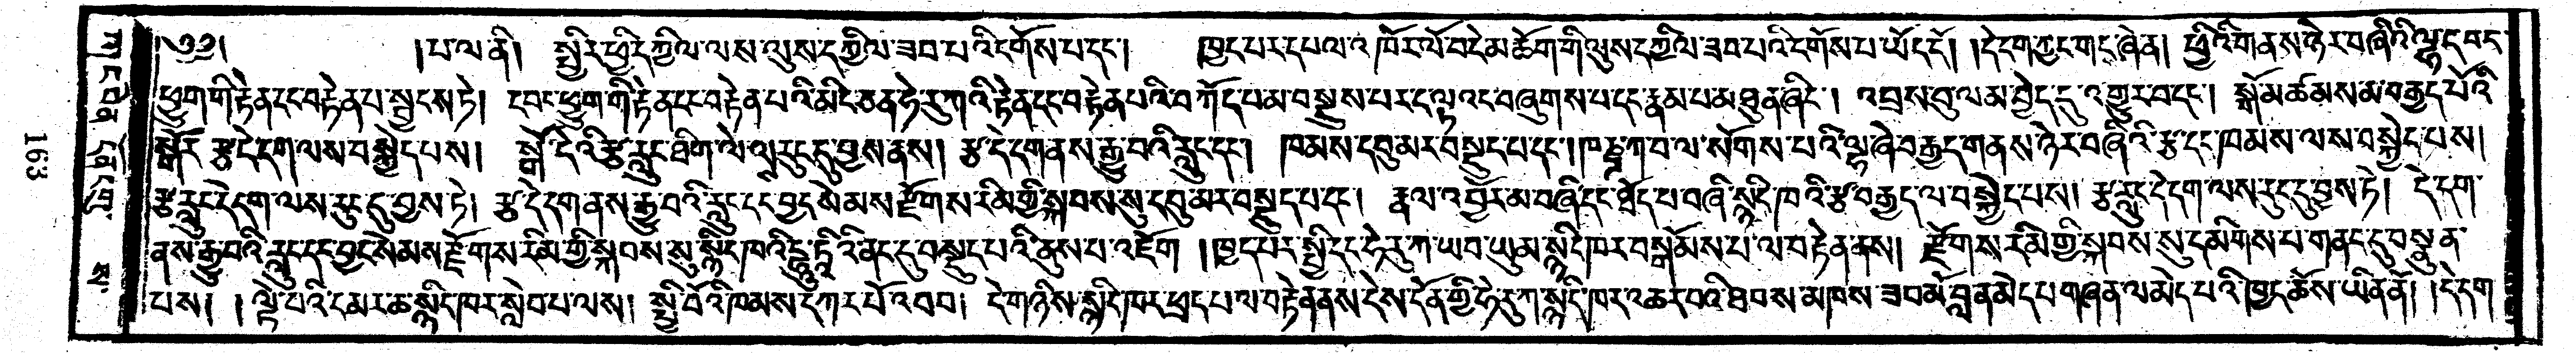༄༅། །པ་ལ་ནི། སྤྱིར་ཕྱི་དཀྱིལ་ལས་ལུས་དཀྱིལ་ཟབ་པའི་དགོས་པ་དང་། ཁྱད་པར་དཔལ་འཁོར་ལོ་བདེ་མཆོག་གི་ལུས་དཀྱིལ་ཟབ་པའི་དགོས་པ་ཡོད་དོ། །དེ་དག་ཀྱང་གང་ཞེ་ན། ཕྱིའི་གནས་ཉེར་བཞིའི་ལྷ་དབང་
ཕྱུག་གི་རྟེན་དང་བརྟེན་པ་སྦྱངས་ཏེ། དབང་ཕྱུག་གི་རྟེན་དང་བརྟེན་པའི་མིང་ཅན་ཧེ་རུ་ཀའི་རྟེན་དང་བརྟེན་པའི་བཀོད་པ་མ་བསྡུས་པར་ད་ལྟའང་བཞུགས་པ་དང་རྣམ་པ་མཐུན་ཞིང་། འབྲས་བུ་ལམ་བྱེད་དུ་འགྱུར་བ་དང་། སྒོ་མཚམས་མ་བརྒྱད་པོའི་
སྒོར་རྩ་དེ་དག་ལས་བསྐྱེད་པས། སྒོ་དེའི་རྩ་རླུང་ཐིག་ལེ་ལས་རུང་དུ་བྱས་ནས། རྩ་དེ་དག་ནས་རྒྱུ་བའི་རླུང་དང་། ཁམས་དབུ་མར་བསྡུད་པ་དང་། ཁཎྜ་ཀ་བ་ལ་སོགས་པའི་ལྷ་ཞེ་བརྒྱད་གནས་ཉེར་བཞིའི་རྩ་དང་ཁམས་ལས་བསྐྱེད་པས།
རྩ་རླུང་དེ་དག་ལས་རླུང་དུ་བྱས་ཏེ། རྩ་དེ་དག་ནས་རྒྱུ་བའི་རླུང་དང་བྱད་སེམས་རྫོགས་རིམ་གྱི་སྐབས་སུ་དབུ་མར་བསྡུད་པ་དང་། རྣལ་འབྱོར་མ་བཞི་དང་ཐོད་པ་བཞི་སྙིང་ཁའི་རྩ་བརྒྱད་ལ་བསྐྱེད་པས། རྩ་རླུང་དེ་དག་ལས་རུང་དུ་བྱས་ཏེ། དེ་དག་
ནས་རྒྱུ་བའི་རླུང་དང་བྱང་སེམས་རྫོགས་རིམ་གྱི་སྐབས་སུ་སྙིང་ཁའི་དྷཱུ་ཏཱིའི་ནང་དུ་བསྡུད་པའི་ནུས་པ་འཇོག །ཁྱད་པར་སྤྱི་དང་ཧེ་རུ་ཀ་ཡབ་ཡུམ་སྙིང་ཁར་བསྒོམས་པ་ལ་བརྟེན་ནས། རྫོགས་རིམ་གྱི་སྐབས་སུ་དམིགས་པ་གནད་དུ་བསྣུན་
པས། །ལྟེ་པའི་དམར་ཆ་སྙིང་ཁར་སླེབ་པ་ལས། སྤྱི་བོའི་ཁམས་དཀར་པོ་འབབ། དེ་གཉིས་སྙིང་ཁར་ཕྲད་པ་ལ་བརྟེན་ནས་དེས་དོན་གྱི་ཧེ་རུ་ཀ་སྙིང་ཁར་འཆར་བའི་ཐབས་མཁས་ཟབ་མོ་བླ་ན་མེད་པ་གཞན་ལ་མེད་པའི་ཁྱད་ཆོས་ཡིན་ནོ། །དེ་དག་